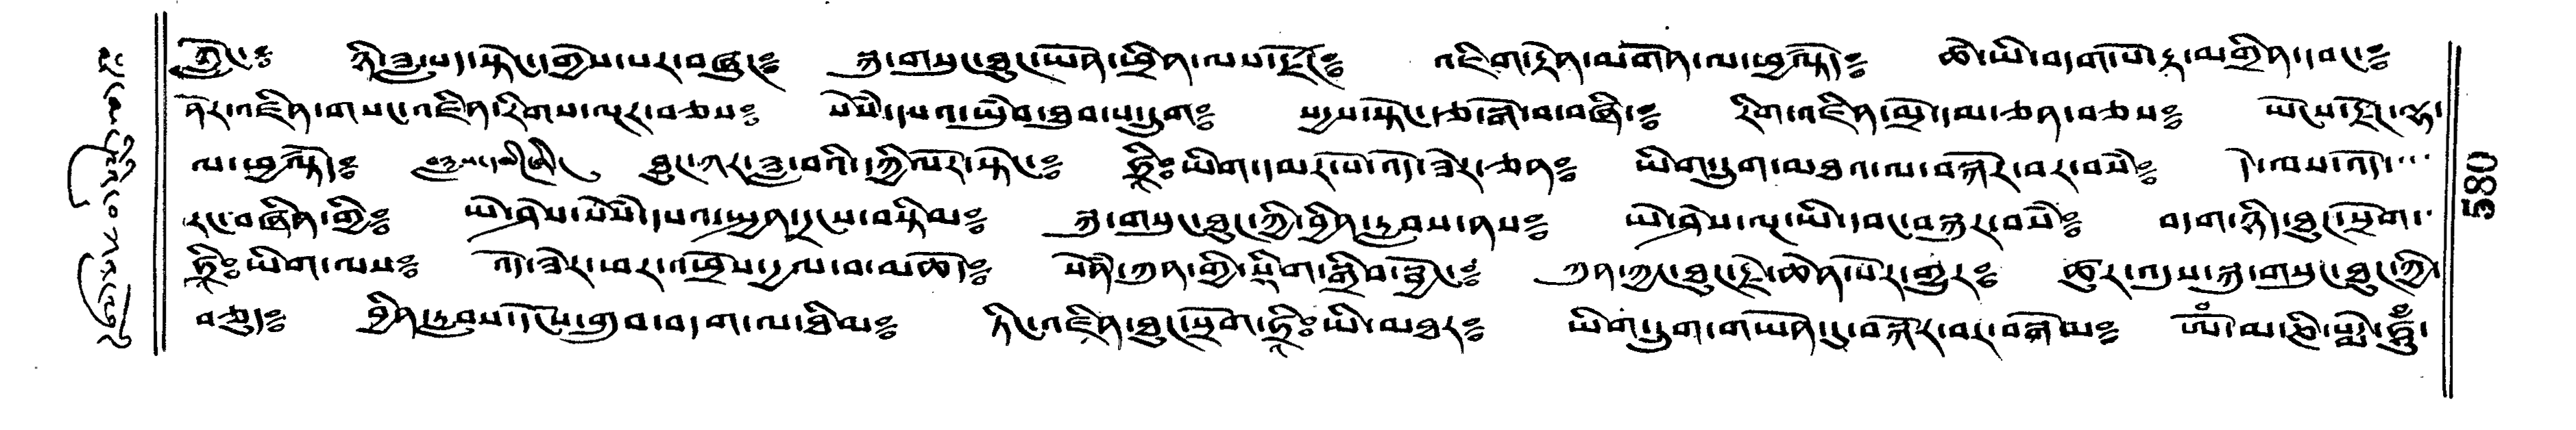ཀློང༔ ཉི་ཟླ་པད་སྟོང་དགྱེས་པར་བཞུགས༔ སྐུ་གསུང་ཐུགས་ཡོན་ཕྲིན་ལས་རྫོགས༔ འཇིག་རྟེན་མགོན་ལ་ཕྱག་འཚལ་བསྟཽད༔ ཚེ་ཡི་བདག་པོ་རྟ་མགྲིན་དབང༔ 
ནོར་འཛིན་གསང་འཛིན་རིགས་ལྔར་བཅས༔ སེམས་དཔའ་ཡབ་ཡུམ་ཐུབ་པ་དྲུག༔ སངས་རྒྱས་སྟོང་རྩ་སྒོ་བ་བཞི༔ རིག་འཛིན་མཁའ་འགྲོ་དམ་ཅན་བཅས༔ ཡོངས་རྗོགས་ལྷ་
ལ་ཕྱག་འཚལ་བསྟཽད༔ བཟླས་དམིགས་ནི། ཐུགས་ཀར་ཟླ་བའི་དཀྱིལ་འཁོར་སྟེང༔ ཧྲཱིཿཡིག་དམར་པོ་འོད་ཟེར་ཅན༔ ཡིག་དྲུག་མཐའ་ལ་བསྐོར་བར་བསམ༔ དེ་ལས་འོད་འཕྲོས་
རང་བཞིན་གྱི༔ ཡེ་ཤེས་སེམས་དཔའ་སྤྱན་དྲངས་བསྟིམ༔ སྐུ་གསུང་ཐུགས་ཀྱི་བྱིན་རླབས་ནས༔ ཡེ་ཤེས་ལྔ་ཡི་དབང་བསྐུར་བསམ༔བདག་ཉིད་ཐུགས་སྲོག་
ཧྲཱིཿཡིག་ལས༔ འོད་ཟེར་ཕར་འཕྲོས་རྒྱལ་བ་མཆོད༔ སེམས་ཅན་ཀུན་གྱི་སྡིག་སྒྲིབ་སྦྱངས༔ ཀུན་ཀྱང་ཐུགས་རྗེ་ཆེན་པོར་གྱུར༔ ཚུར་འདུས་སྐུ་གསུང་ཐུགས་ཀྱི་
བཅུད༔ བྱིན་རླབས་དངོས་གྲུབ་བདག་ལ་ཐིམ༔ ཏིང་འཛིན་ཐུགས་སྲོག་ཧྲཱི་ཡི་མཐར༔ ཡིག་དྲུག་གཡོན་དུ་བསྐོར་བར་བསྒོམ༔ ཨོཾ་མ་ཎི་པདྨེ་ཧཱུྃ་༼